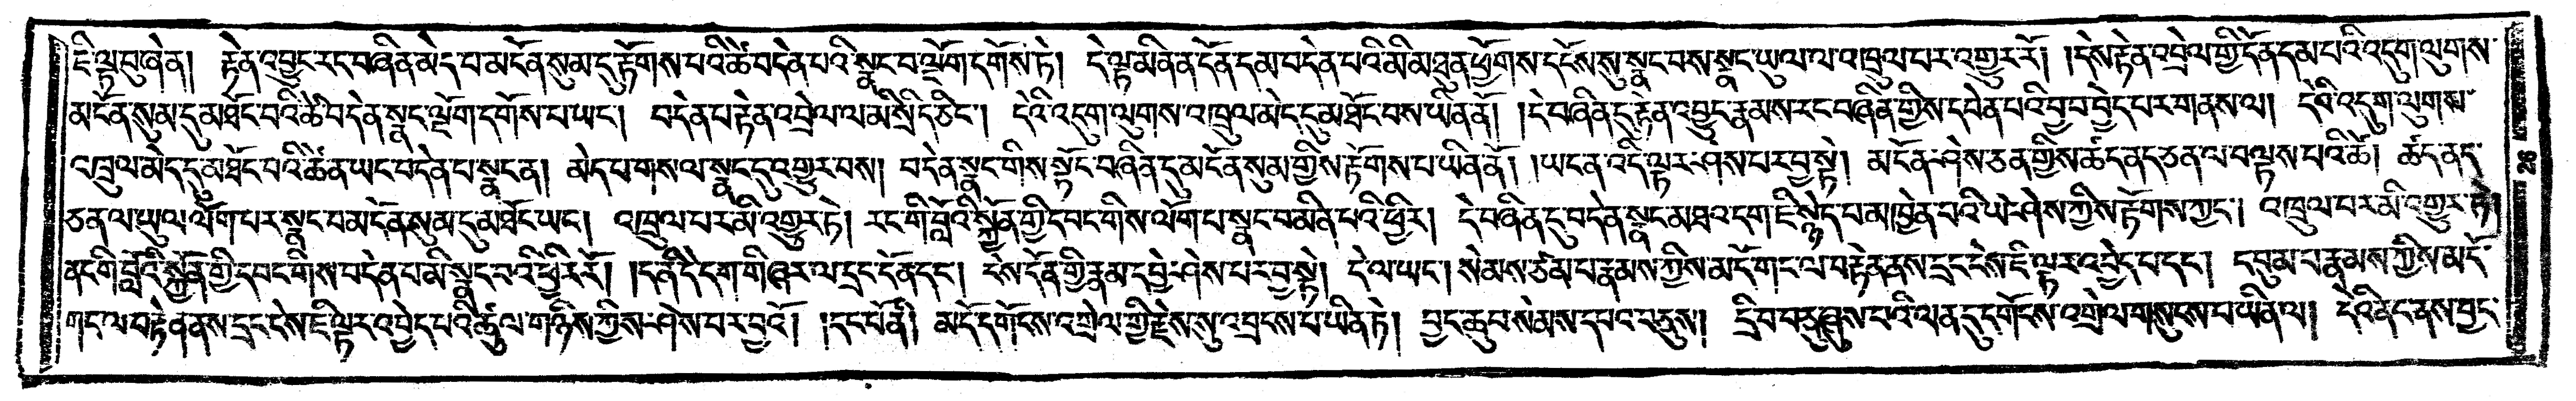ཇི་ལྟ་བུ་ཞེ་ན། རྟེན་འབྱུང་རང་བཞིན་མེད་པ་མངོན་སུམ་དུ་རྟོགས་པའི་ཚེ་བདེན་པའི་སྣང་བ་ལྡོག་དགོས་ཏེ། དེ་ལྟ་མིན་ན་དོན་དམ་བདེན་པའི་མི་མཐུན་ཕྱོགས་དངོས་སུ་སྣང་བས་སྣང་ཡུལ་ལ་འཁྲུལ་པར་འགྱུར་རོ། །དེས་རྟེན་འབྲེལ་གྱི་དོན་དམ་པའི་འདུག་ལུགས་
མངོན་སུམ་དུ་མཐོང་བའི་ཚེ་བདེན་སྣང་ལྡོག་དགོས་པ་ཡང་། བདེན་པ་རྟེན་འབྲེལ་ལ་མི་སྲིད་ཅིང་། དེའི་འདུག་ལུགས་འཁྲུལ་མེད་དུ་མཐོང་བས་ཡིན་ནོ། །དེ་བཞིན་དུ་རྟེན་འབྱུང་རྣམས་རང་བཞིན་གྱིས་དབེན་པའི་བྱ་བ་བྱེད་པར་གནས་ལ། དེའི་འདུག་ལུགས་
འཁྲུལ་མེད་དུ་མཐོང་བའི་ཚེ་ན་ཡང་བདེན་པ་སྣང་ན། མེད་པ་གསལ་སྣང་དུ་འགྱུར་བས། བདེན་སྣང་གིས་སྟོང་བཞིན་དུ་མངོན་སུམ་གྱིས་རྟོགས་པ་ཡིན་ནོ། །ཡང་ན་འདི་ལྟར་ཤེས་པར་བྱ་སྟེ། མངོན་ཤེས་ཅན་གྱིས་ཚད་ནད་ཅན་ལ་བལྟས་པའི་ཚེ། ཚད་ནད་
ཅན་ལ་ཡུལ་ལོག་པར་སྣང་བ་མངོན་སུམ་དུ་མཐོང་ཡང་། འཁྲུལ་པར་མི་འགྱུར་ཏེ། རང་གི་བློའི་སྐྱོན་གྱི་དབང་གིས་ལོག་པ་སྣང་བ་མིན་པའི་ཕྱིར། དེ་བཞིན་དུ་བདེན་སྣང་མཐའ་དག་ཇི་སྙེད་པ་མཁྱེན་པའི་ཡེ་ཤེས་ཀྱིས་རྟོགས་ཀྱང་། འཁྲུལ་པར་མི་འགྱུར་ཏེ།
ནང་གི་བློའི་སྐྱོན་གྱི་དབང་གིས་བདེན་པ་མི་སྣང་བའི་ཕྱིར་རོ། །ད་ནི་དེ་དག་གི་ཞར་ལ་དྲང་དོན་དང་། ངེས་དོན་གྱི་རྣམ་དབྱེ་ཤེས་པར་བྱ་སྟེ། དེ་ལ་ཡང་། སེམས་ཙམ་པ་རྣམས་ཀྱིས་མདོ་གང་ལ་བརྟེན་ནས་དྲང་ངེས་ཇི་ལྟར་འབྱེད་པ་དང་། དབུ་མ་པ་རྣམས་ཀྱིས་མདོ་
གང་ལ་བརྟེན་ནས་དྲང་ངེས་ཇི་ལྟར་འབྱེད་པའི་ཚུལ་གཉིས་ཀྱིས་ཤེས་པར་བྱའོ། །དང་པོ་ནི། མདོ་དགོངས་འགྲེལ་གྱི་རྗེས་སུ་འབྲངས་པ་ཡིན་ཏེ། བྱང་ཆུབ་སེམས་དཔའ་བཅུས། དྲི་བ་བཅུ་ཞུས་པའི་ལན་དུ་དགོངས་འགྲེལ་གསུངས་པ་ཡིན་ལ། དེའི་ནང་ནས་བྱང་